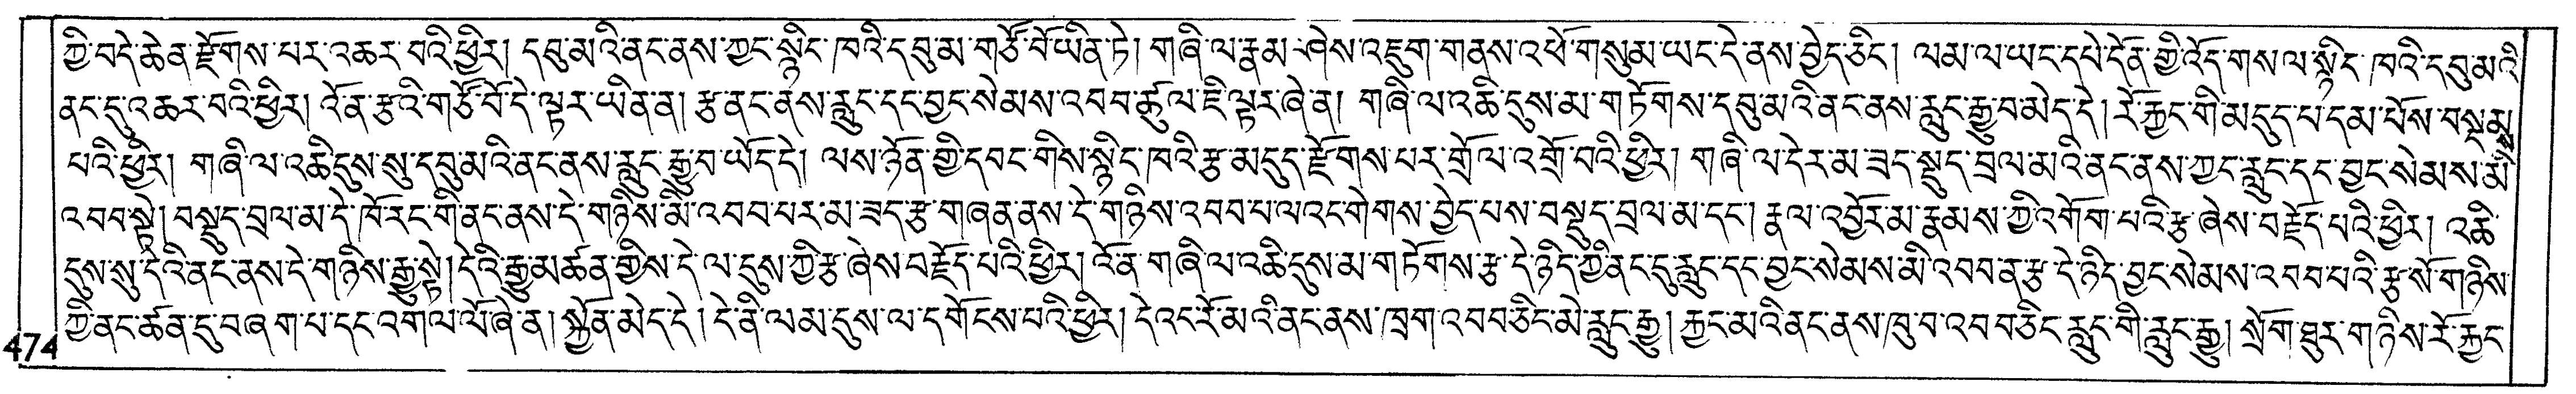ཀྱི་བདེ་ཆེན་རྫོགས་པར་འཆར་བའི་ཕྱིར། དབུ་མའི་ནང་ནས་ཀྱང་སྙིང་ཁའི་དབུ་མ་གཙོ་བོ་ཡིན་ཏེ། གཞི་ལ་རྣམ་ཤེས་འཇུག་གནས་འཕོ་གསུམ་ཡང་དེ་ནས་བྱེད་ཅིང་། ལམ་ལ་ཡང་དཔེ་དོན་གྱི་འོད་གསལ་སྙིང་ཁའི་དབུ་མའི་
ནང་དུ་འཆར་བའི་ཕྱིར། འོ་ན་རྩའི་གཙོ་བོ་དེ་ལྟར་ཡིན་ན། རྩ་ནང་ནས་རླུང་དང་བྱང་སེམས་འབབ་ཚུལ་ཇི་ལྟར་ཞེ་ན། གཞི་ལ་འཆི་དུས་མ་གཏོགས་དབུ་མའི་ནང་ནས་རླུང་རྒྱུ་བ་མེད་དེ། རོ་རྐྱང་གི་མདུད་པ་དམ་པོས་བསྡམས་
པའི་ཕྱིར། གཞི་ལ་འཆི་དུས་སུ་དབུ་མའི་ནང་ནས་རླུང་རྒྱུ་བ་ཡོད་དེ། ལས་ཉོན་གྱི་དབང་གིས་སྙིང་ཁའི་རྩ་མདུད་རྫོགས་པར་གྲོལ་འགྲོ་བའི་ཕྱིར། གཞི་ལ་དེར་མ་ཟད་སྡུད་བྲལ་མའི་ནང་ནས་ཀྱང་རླུང་དང་བྱང་སེམས་མི་
འབབ་སྟེ། བསྡུད་བྲལ་མ་དེ་ཁོ་རང་གི་ནང་ནས་དེ་གཉིས་མི་འབབ་པར་མ་ཟད་རྩ་གཞན་ནས་དེ་གཉིས་འབབ་པ་ལའང་གེགས་བྱེད་པས་བསྡུད་བྲལ་མ་དང་། རྣལ་འབྱོར་མ་རྣམས་ཀྱི་འགོག་པའི་རྩ་ཞེས་བརྗོད་པའི་ཕྱིར། འཆི་
དུས་སུ་དེའི་ནང་ནས་དེ་གཉིས་རྒྱུ་སྟེ། དེའི་རྒྱུ་མཚན་གྱིས་དེ་ལ་དུས་ཀྱི་རྩ་ཞེས་བརྗོད་པའི་ཕྱིར། འོ་ན་གཞི་ལ་འཆི་དུས་མ་གཏོགས་རྩ་དེ་ཉིད་ཀྱི་ནང་དུ་རླུང་དང་བྱང་སེམས་མི་འབབ་ན་རྩ་དེ་ཉིད་བྱང་སེམས་འབབ་པའི་རྩ་སོ་གཉིས་
ཀྱི་ནང་ཚན་དུ་བཞག་པ་དང་འགལ་ལོ་ཞེ་ན། སྐྱོན་མེད་དེ། དེ་ནི་ལམ་དུས་ལ་དགོངས་པའི་ཕྱིར། དེའང་རོ་མའི་ནང་ནས་ཁྲག་འབབ་ཅིང་མེ་རླུང་རྒྱུ། རྐྱང་མའི་ནང་ནས་ཁུ་བ་འབབ་ཅིང་རླུང་གི་རླུང་རྒྱུ། སྲོག་ཐུར་གཉིས་རོ་རྐྱང་